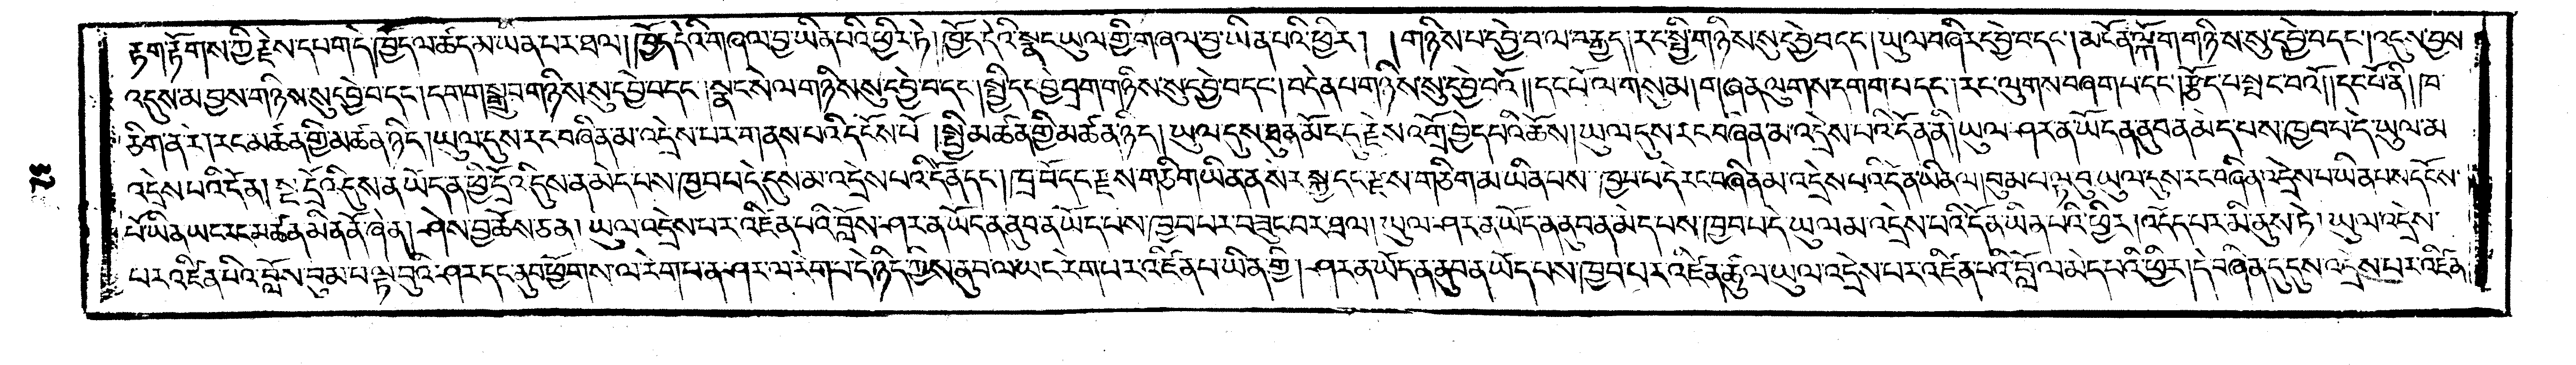རྟག་རྟོགས་ཀྱི་རྗེས་དཔག་དེ་ཁྱོད་ལ་ཚད་མ་ཡིན་པར་ཐལ། ཁྱོད་དེའི་གཞལ་བྱ་ཡིན་པའི་ཕྱིར་ཏེ། ཁྱོད་དེའི་སྣང་ཡུལ་གྱི་གཞལ་བྱ་ཡིན་པའི་ཕྱིར། །གཉིས་པ་དབྱེ་བ་ལ་བརྒྱད། རང་སྤྱི་གཉིས་སུ་དབྱེ་བ་དང་། ཡུལ་བཞིར་དབྱེ་བ་དང་། མངོན་ལྐོག་གཉིས་སུ་དབྱེ་བ་དང་། འདུས་བྱས་
འདུས་མ་བྱས་གཉིས་སུ་དབྱེ་བ་དང་། དགག་སྒྲུབ་གཉིས་སུ་དབྱེ་བ་དང་། སྣང་སེལ་གཉིས་སུ་དབྱེ་བ་དང་། སྤྱི་དང་བྱེ་བྲག་གཉིས་སུ་དབྱེ་བ་དང་། བདེན་པ་གཉིས་སུ་དབྱེ་བའོ། །དང་པོ་ལ་གསུམ། གཞན་ལུགས་དགག་པ་དང་། རང་ལུགས་བཞག་པ་དང་། རྩོད་པ་སྤང་བའོ། །དང་པོ་ནི། ཁ་
ཅིག་ན་རེ། རང་མཚན་གྱི་མཚན་ཉིད། ཡུལ་དུས་རང་བཞིན་མ་འདྲེས་པར་གནས་པའི་དངོས་པོ། སྤྱི་མཚན་གྱི་མཚན་ཉིད། ཡུལ་དུས་ཐུན་མོང་དུ་རྗེས་འགྲོ་བྱེད་པའི་ཆོས། ཡུལ་དུས་རང་བཞིན་མ་འདྲེས་པའི་དོན་ནི། ཡུལ་ཤར་ན་ཡོད་ན་ནུབ་ན་མེད་པས་ཁྱབ་པ་དེ་ཡུལ་མ་
འདྲེས་པའི་དོན། སྔ་དྲོའི་དུས་ན་ཡོད་ན་ཕྱི་དྲོའི་དུས་ན་མེད་པས་ཁྱབ་པ་དེ་དུས་མ་འདྲེས་པའི་དོན་དང་། ཁྲ་བོ་དང་རྫས་གཅིག་ཡིན་ན་སེར་སྐྱེ་དང་རྫས་གཅིག་མ་ཡིན་པས་ཁྱབ་པ་དེ་རང་བཞིན་མ་འདྲེས་པའི་དོན་ཡིན་ལ། བུམ་པ་ལྟ་བུ་ཡུལ་དུས་རང་བཞིན་འདྲེས་པ་ཡིན་པས་དངོས་
པོ་ཡིན་ཡང་རང་མཚན་མིན་ནོ་ཞེ་ན། ཤེས་བྱ་ཆོས་ཅན། ཡུལ་འདྲེས་པར་འཛིན་པའི་བློས་ཤར་ན་ཡོད་ན་ནུབ་ན་ཡོད་པས་ཁྱབ་པར་བཟུང་བར་ཐལ། ཡུལ་ཤར་ན་ཡོད་ན་ནུབ་ན་མེད་པས་ཁྱབ་པ་དེ་ཡུལ་མ་འདྲེས་པའི་དོན་ཡིན་པའི་ཕྱིར། འདོད་པར་མི་ནུས་ཏེ། ཡུལ་འདྲེས་
པར་འཛིན་པའི་བློས་བུམ་པ་ལྟ་བུའི་ཤར་དང་ནུབ་ཕྱོགས་ལ་རེག་པ་ན་ཤར་ལ་རེག་པ་དེ་ཉིད་ཀྱིས་ནུབ་ལ་ཡང་རེག་པར་འཛིན་པ་ཡིན་གྱི། ཤར་ན་ཡོད་ན་ནུབ་ན་ཡོད་པས་ཁྱབ་པར་འཛིན་ཚུལ་ཡུལ་འདྲེས་པར་འཛིན་པའི་བློ་ལ་མེད་པའི་ཕྱིར། དེ་བཞིན་དུ་དུས་འདྲེས་པར་འཛིན་